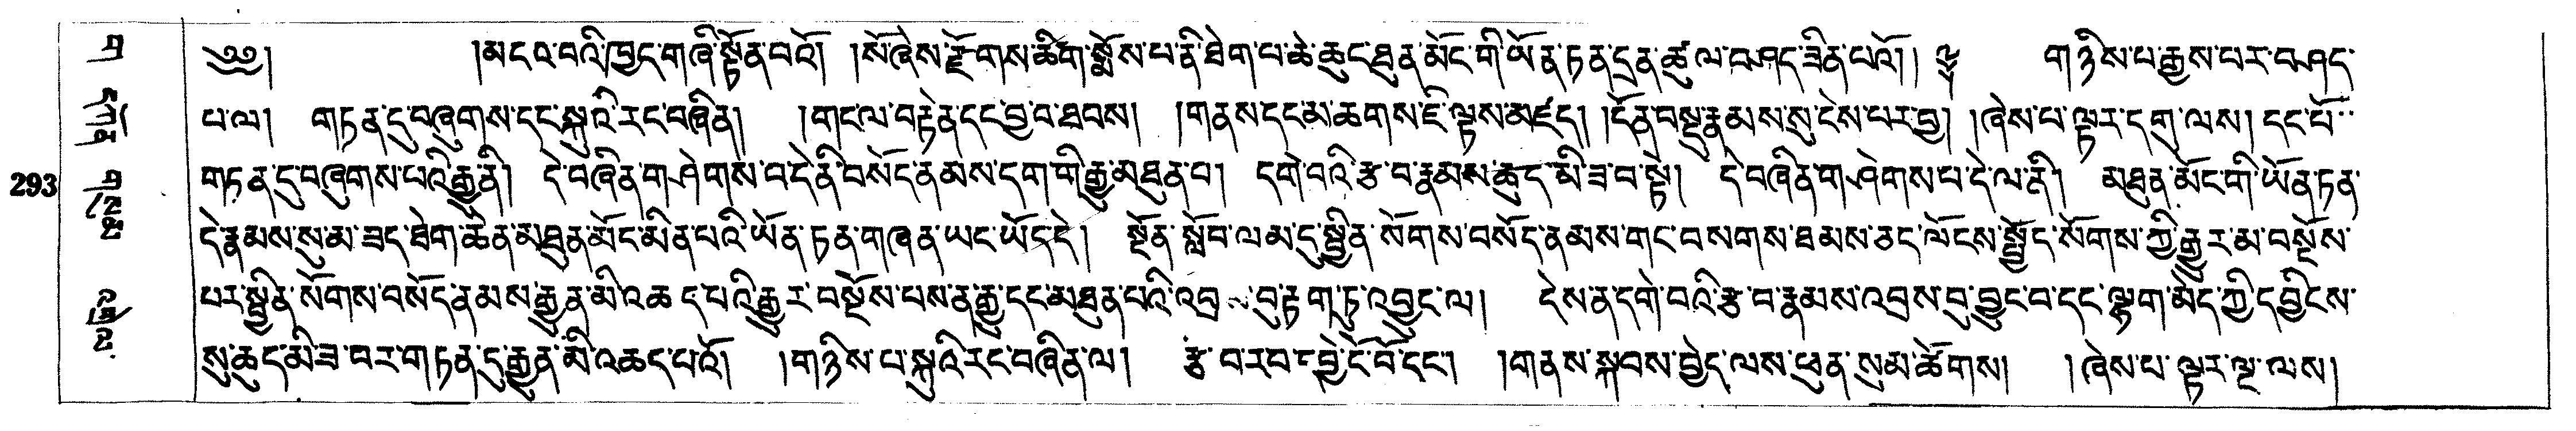༄༅། །མངའ་བའི་ཁྱད་གཞི་སྟོན་པའོ། །སོ་ཞེས་རྫོགས་ཚིག་སྨོས་པ་ནི་ཐེག་པ་ཆེ་ཆུང་ཐུན་མོང་གི་ཡོན་ཏན་དྲན་ཚུལ་བཤད་ཟིན་པའོ།། ༈ གཉིས་པ་རྒྱས་པར་བཤད་
པ་ལ། གཏན་དུ་བཞུགས་དང་སྐུའི་རང་བཞིན། །གང་ལ་བརྟེན་དང་བྱ་བ་ཐབས། །གནས་དང་མ་ཆགས་ཇི་ལྟས་མཛད། །དོན་བསྡུ་རྣམས་སུ་ངེས་པར་བྱ། །ཞེས་པ་ལྟར་དགུ་ལས། དང་པོ་
གཏན་དུ་བཞུགས་པའི་རྒྱུ་ནི། དེ་བཞིན་གཤེགས་པ་དེ་ནི་བསོད་ནམས་དག་གི་རྒྱུ་མཐུན་པ། དགེ་བའི་རྩ་བ་རྣམས་ཆུད་མི་ཟ་བ་སྟེ། དེ་བཞིན་གཤེགས་པ་དེ་ལ་ནི། མཐུན་མོང་གི་ཡོན་ཏན་
དེ་རྣམས་སུ་མ་ཟད་ཐེག་ཆེན་མཐུན་མོང་མིན་པའི་ཡོན་ཏན་གཞན་ཡང་ཡོད་དེ། སྔོན་སློབ་ལམ་དུ་སྦྱིན་སོགས་བསོད་ནམས་གང་བསགས་ཐམས་ཅད་ལོངས་སྤྱོད་སོགས་ཀྱི་རྒྱུར་མ་བསྔོས་
པར་སྦྱིན་སོགས་བསོད་ནམས་རྒྱུན་མི་འཆད་པའི་རྒྱུར་བསྔོས་པས་ན་རྒྱུ་དང་མཐུན་པའི་འབྲས་བུ་རྟག་ཏུ་འབྱུང་ལ། དེས་ན་དགེ་བའི་རྩ་བ་རྣམས་འབྲས་བུ་བྱུང་བ་དང་ལྷག་མེད་ཀྱི་དབྱིངས་སུ་ཆུད་མི་ཟ་བར་གཏན་དུ་རྒྱུན་མི་འཆད་པའོ། །གཉིས་པ་སྐུའི་རང་བཞིན་ལ། རྩ་བར་དབྱེ་ངོ་བོ་དང་། །གནས་སྐབས་བྱེད་ལས་ཕུན་སུམ་ཚོགས། །ཞེས་པ་ལྟར་ལྔ་ལས།